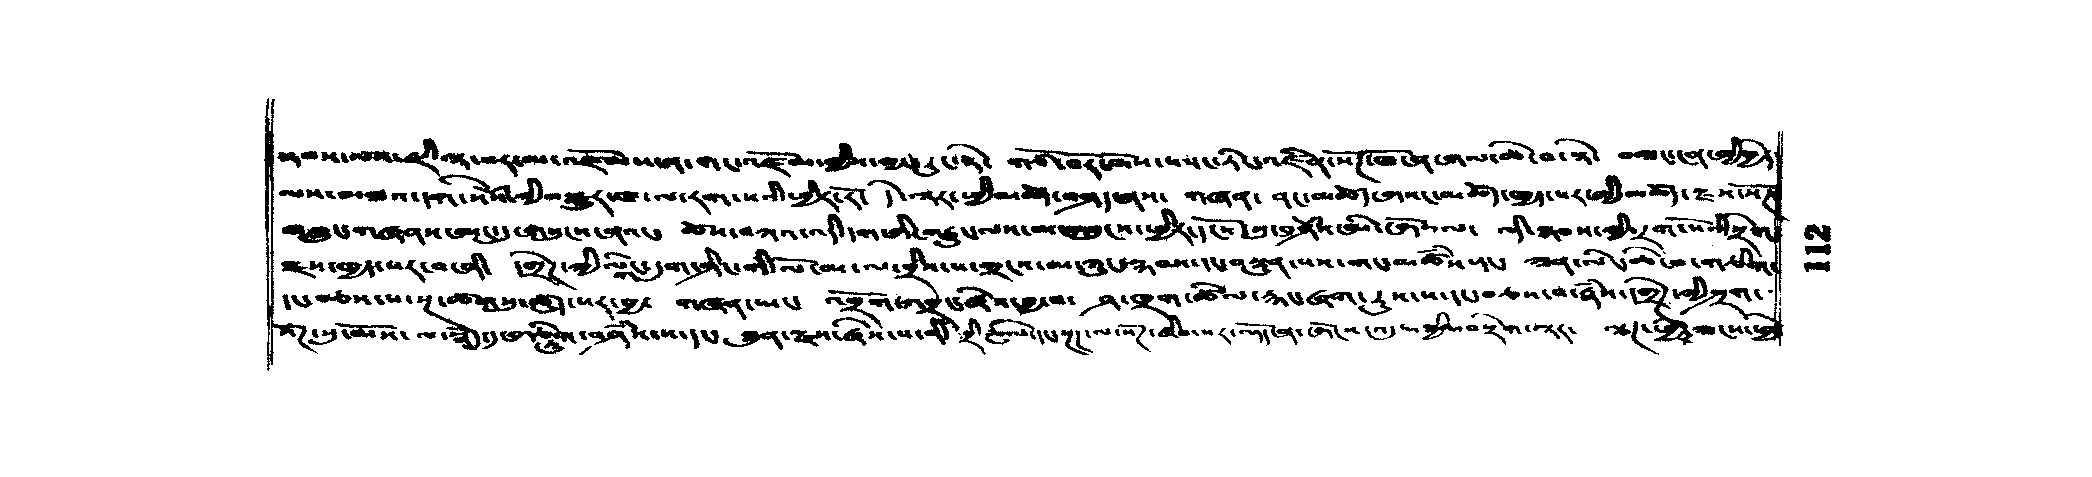སྐབས་ལས་ཇི་ལྟ་བར་མ་འཛོམས་ན་གང་འཛོམ་གྱིས་ཀྱང་རུང་སྟེ། གཙོ་བོར་མོས་པ་དང་ཏིང་ངེ་འཛིན་ཁོ་ན་གལ་ཆེ་བ་སྟེ། བཟང་ངན་གྱི་བྱེད་
ལས་མཐའ་དག་སེམས་ཀྱི་བསྒྱུར་ཁ་ལ་རག་ལས་པའི་ཕྱིར་རོ། དེ་ལྟར་ཕྱི་མཆོད་བཤད་ནས། ནང་མཆོད་གསང་མཆོད་ཁྱད་པར་གྱི་མཆོད་རྫས་སོགས་
གཞུང་གཞན་ནས་མང་དུ་གསུངས་ནའང་། ཆོས་བཀའ་འདི་དག་གི་གཞུང་ལས་མང་གསུངས་ཕྱིར་དངོས་སུ་བཤམས་མི་དགོས་ལ། འདི་སྐབས་ཀྱི་དྲག་པོའི་སྲེག་
རྫས་ཁྱད་པར་ནི། དགྲ་གེགས་ཀྱི་ལིངྒ་དུག་ཤིང་གི་ལོ་མ་ལ་ ༼བྲི་ཚུལ་དང་སྔགས་ལ་སོགས་ཞིབ་པར་འདོད་ན་དགོངས་འདུས་སྦྱིན་སྲེག་ལྟར་༽ བྲིས་པ་གྲངས་མང་ཉུང་སྐབས་དང་བསྟུན་པས་གང་མཚམས་དང་། ཟན་ལིང་ཆེ་བ་ཞིག་
དང་བཅས་པ་སྔ་ཚགས་སུ་ཚུད་པར་བྱ། གཞན་ཡང་། འབྲོག་དབྲང་ཞེས་བྱ་བ། ཤ་ཁྲག་ཚིལ་རྐང་ཞག་རུས་པ་དང་བཅས་པ་རྣམས་དགྲ་གེགས་ཀྱི་ཤ་ཁྲག་
སོགས་སུ་མོས་ལ་སྣོད་དུ་གཅིག་ཏུ་བཤམས་པ་དང་། ཐུན་རྫས་ཞེས་པ་ནི་ལྕགས་ཕྱེ་ཟངས་ཕྱེ།